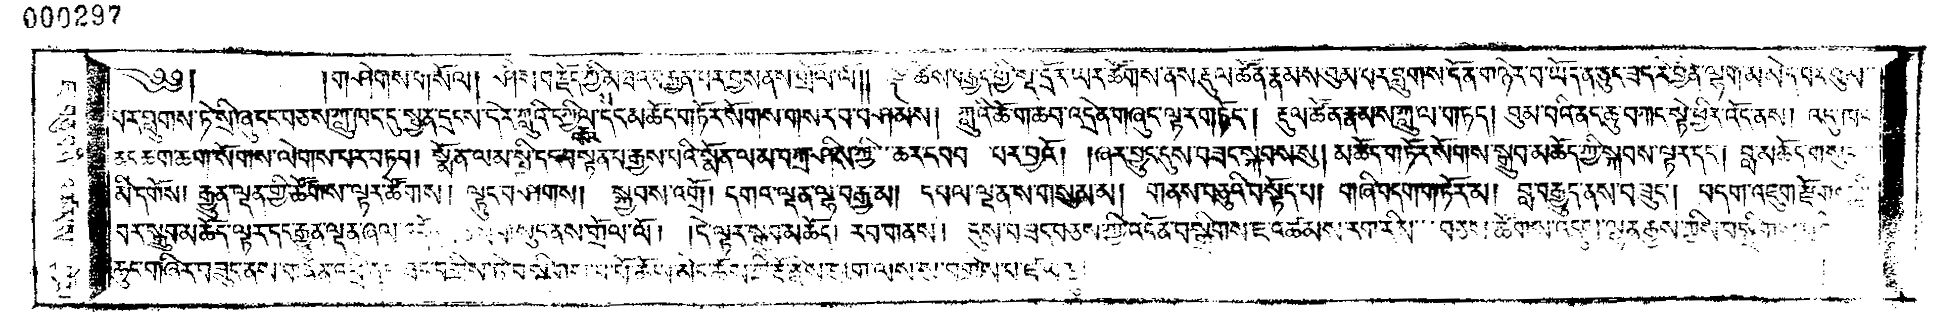༄༅། །གཤེགས་གསོལ། ཤིས་བརྗོད་ཀྱི་མཐའ་བརྒྱན་པར་བྱས་ནས་གྲོལ་ལོ།། ༈ ཚེས་བརྒྱད་གྱི་སྔ་དྲོར་ཡར་ཚོགས་ནས་རྡུལ་ཚོན་རྣམས་བུམ་པར་བླུགས་དོན་གཉེར་བ་ཡོད་ན་ཅུང་ཟད་རེ་བྱིན་ལྷག་མ་མེད་པར་བུམ་
པར་བླུགས་ཏེ་སྲི་ཞུ་དང་བཅས་ཀླུ་ཁང་དུ་སྤྱན་དྲངས་དེར་ཀླུའི་དཀྱིལ་འཁོར་དང་མཆོད་གཏོར་སོགས་གསར་བ་བཤམས། ཀླུའི་ཆོ་ག་ཆབ་འདྲེན་གཞུང་ལྟར་གཏོང་། རྡུལ་ཚོན་རྣམས་ཀླུ་ལ་གཏད། བུམ་པའི་ནང་ཆུ་བཀང་སྟེ་ཕྱིར་འོང་ནས། འདུ་ཁང་
ནང་ཆག་ཆག་སོགས་ལེགས་པར་བཏབ། སྨོན་ལམ་སྤྱི་དང་བསྟན་པ་རྒྱས་པའི་སྨོན་ལམ་བཀྲ་ཤིས་ཀྱི་ཆར་དབབ་པར་བྱའོ། །ཞར་བྱུང་དུས་བཟང་སྐབས་སུ། མཆོད་གཏོར་སོགས་སྒྲུབ་མཆོད་ཀྱི་སྐབས་ལྟར་དང་། བླ་མཆོད་གསུང་
མི་དགོས། རྒྱུན་ལྡན་གྱི་ཚོགས་ལྟར་ཚོགས། ལྟུང་བཤགས། སྐྱབས་འགྲོ། དགའ་ལྡན་ལྷ་བརྒྱ་མ། དཔལ་ལྡན་ས་གསུམ་མ། གནས་བཅུའི་བསྟོད་པ། གཞི་བདག་གཏོར་མ། བླ་བརྒྱུད་ནས་བཟུང་། བདག་འཇུག་རྫོགས་ཀྱི་
བར་སྒྲུབ་མཆོད་ལྟར་དང་རྒྱུན་ལྡན་ཞལ་འདོན་བཅས་གསུང་ནས་གྲོལ་ལོ། །དེ་ལྟར་སྒྲུབ་མཆོད། རབ་གནས། དུས་བཟང་བཅས་ཀྱི་འདོན་བསྒྲིགས་ཇ་འཚམས་རག་རིམ་བཅས་ཚོགས་འདུས་ལྷན་རྒྱས་ཀྱིས་བསྒྲིགས་པའི་ཐོ་
ཆུང་གཞིར་བཟུང་ནས་གནོན་འཕྲི་ཅུང་ཟད་བགྱིས་ཏེ་བསྒྲིགས་པ་པོ་ཆོས་མེད་ཆོས་ཀྱི་རྡོ་རྗེས་སུག་ལས་སུ་བགྱིས་པ་ཛ་ཡནྟུ།། །།